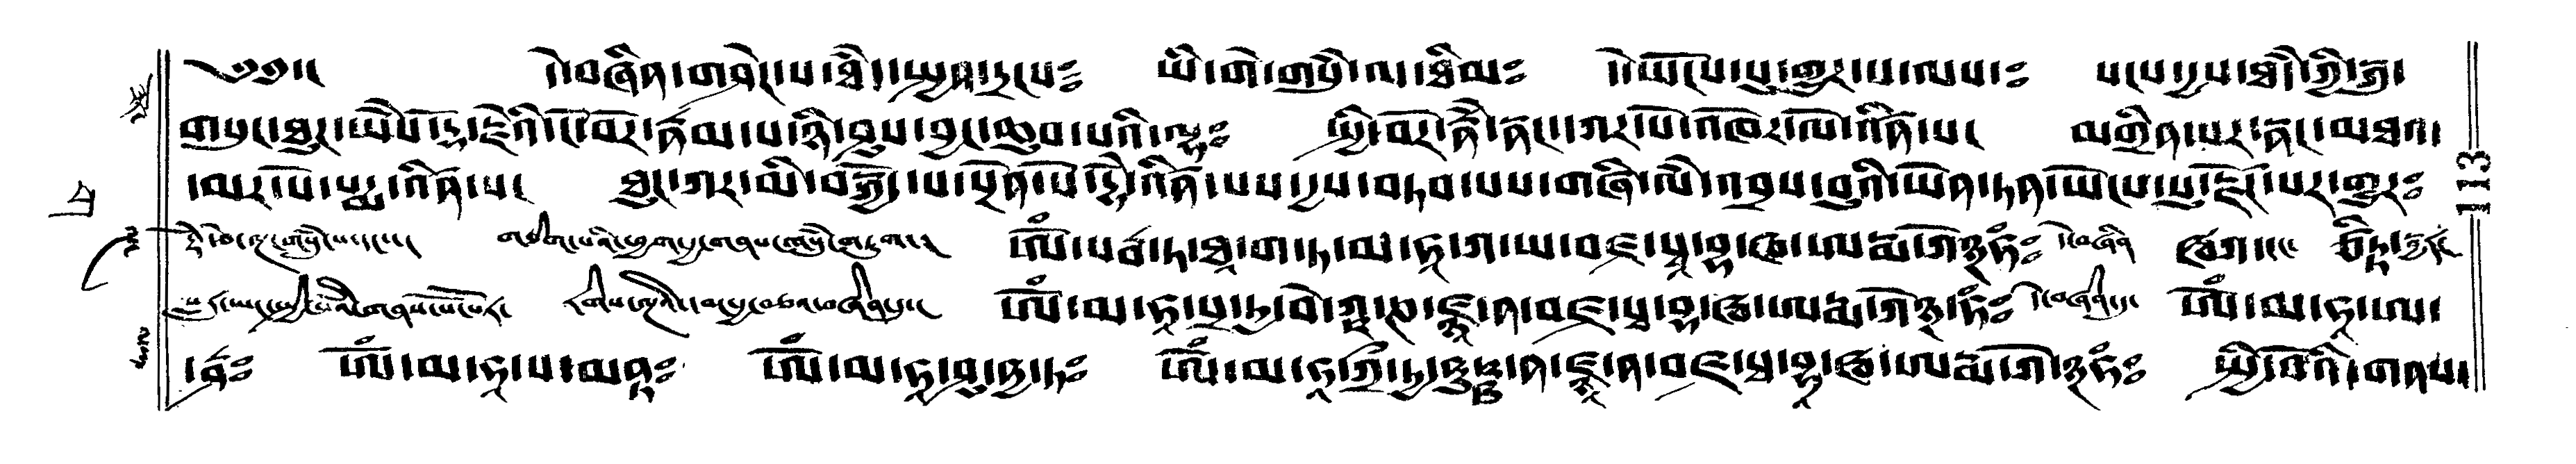དེ་བཞིན་གཤེགས་པ་ཐམས་ཅད་སྤྱན་དྲངས༔ ཡི་གེ་གསུམ་ལ་ཐིམ༔ དེ་ཡོངས་སུ་གྱུར་པ་ལས༔ སངས་རྒྱས་ཐམས་ཅད་ཀྱི་སྐུ་
གསུང་ཐུགས་ཡེ་ཤེས་རྡོ་རྗེའི་ངོ་བོར་རྣམ་པ་ཉི་ཤུས་བྱང་ཆུབ་པའི་ལྷ༔ སྤྱི་བོར་རྣམ་སྣང་དཀར་པོ་འཁོར་ལོ་འཛིན་པ༔ མགྲིན་པར་སྣང་མཐའ་
དམར་པོ་པདྨ་འཛིན་པ༔ ཐུགས་ཀར་མི་བསྐྱོད་པ་སྔོན་པོ་རྡོ་རྗེ་འཛིན་པས་རྒྱས་བཏབ་པས་གཞི་ལམ་འབྲས་བུའི་ཡོན་ཏན་ཡོངས་སུ་རྫོགས་པར་གྱུར༔ 
རྡོ་རྗེ་རྩེ་ལྔ་གསུམ་པ་དང་། །གཅིག་པའི་ཕྱག་རྒྱ་གནས་གསུམ་གཏུགས། ཨོཾ་སརྦ་ཏ་ཐཱ་ག་ཏ་མ་ཧཱ་ཀ་ཡ་བཛྲ་སྭ་བྷ་ཝ་ཨདྨཀོཉྲཧཾ༔ དེ་བཞིན་ཝཀ་དང་། ཙིཏྟ་སྦྱར། 
སླར་ཡང་སྤྱི་པོའི་གནས་སོ་སོར། །རིགས་ལྔའི་དབང་རྒྱ་བཅའ་བཞིན་དུ། ཨོཾ་མ་ཧཱ་པྲ་ཏྱ་བེཀྵ་ཎ་ཛྙཱ་ན་བཛྲ་སྭ་བྷ་ཝ་ཨདྨ་ཀོཉྲ་ཧཾ༔ དེ་བཞིན་དུ། ཨོཾ་མ་ཧཱ་ཨ་
དརྴ༔ ཨོཾ་མ་ཧཱ་ས་མནྟ༔ ཨོཾ་མ་ཧཱ་ཤུ་ནྱ་ཏ༔ ཨོཾ་མ་ཧཱ་ཀྲྀ་ཏྱ་ནུཥྛ་ན་ཛྙཱ་ན་བཛྲ་སྭ་བྷཱ་ཝ་ཨདྨ་ཀོཉྲ་ཧཾ༔ སྤྱི་བོའི་གནས་